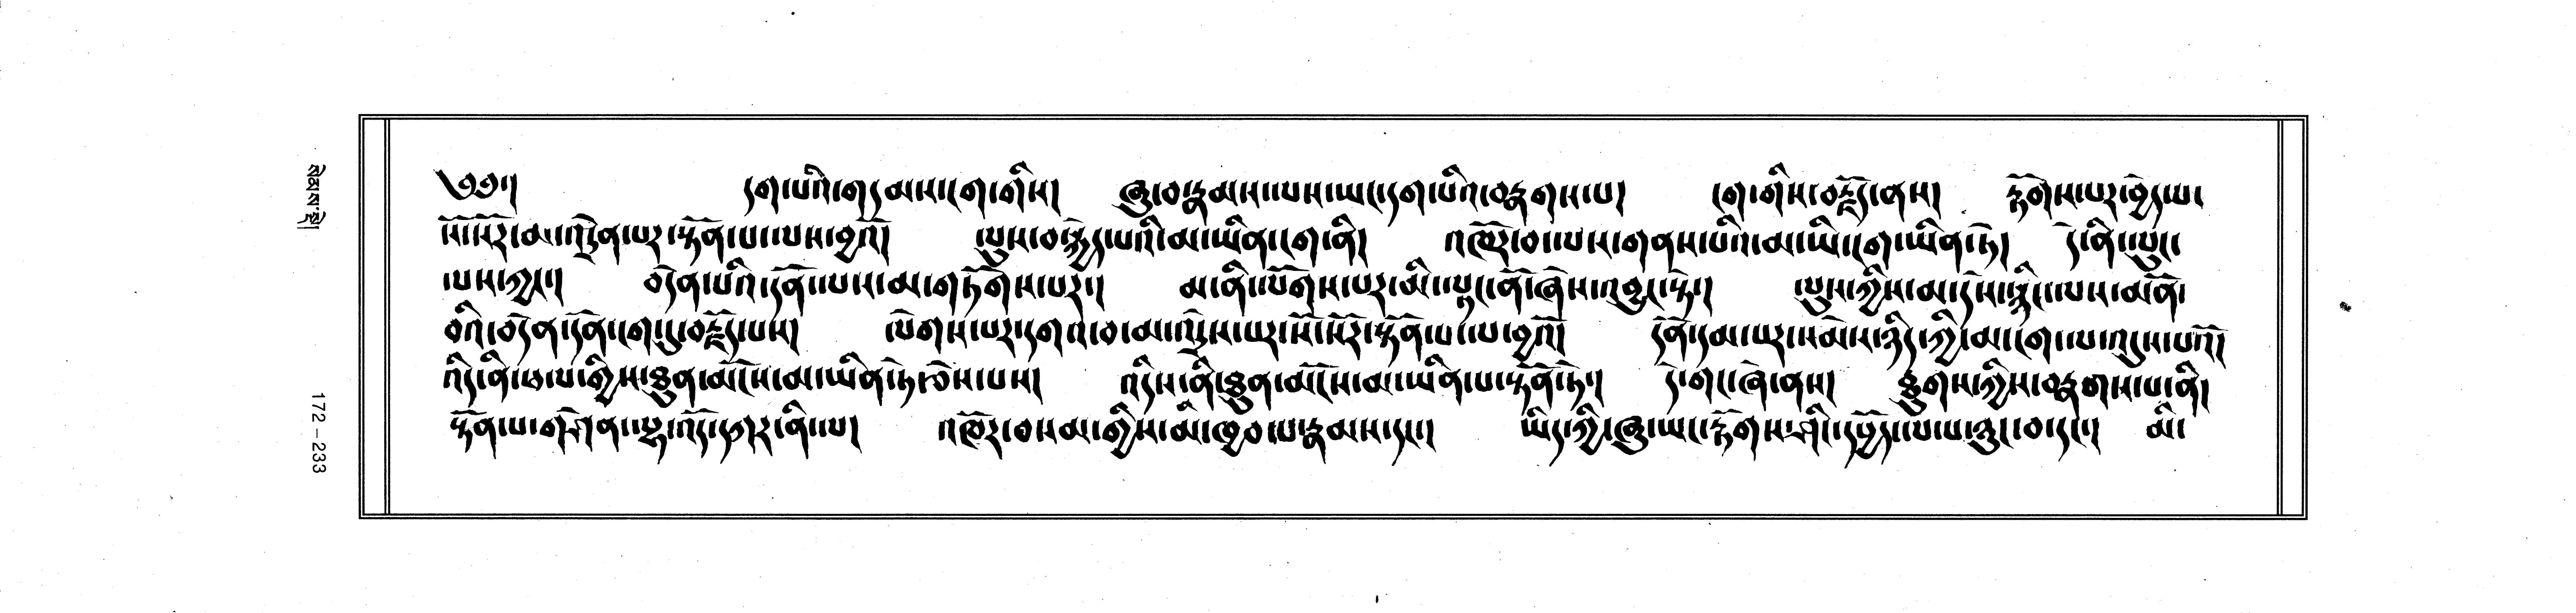དག་པའི་གདམས་ངག་གིས། ཞུ་བ་རྣམས་ལས་ཡང་དག་པའི་བརྣགས་པ། ངག་གིས་བརྗོད་ནས། རྟོགས་པར་བྱེད་
པ་སོ་སོར་མ་འདྲེན་པར་སྟོན་པ་ལས་བྱའོ། ལུས་བསྐྱེད་པའི་མ་ཡིན་ངག་ནི། འཁོར་བ་ལས་གནས་པའི་མ་ཡི་ངག་ཡིན་ཏེ། དེ་ནི་ལུང་
ལས་ཀྱང་། བདེན་པའི་དོན་ལས་མ་རྟོགས་པར། མ་ནི་ལོག་པར་མི་ལྟང་ནོ་ཞེས་འབྱུང་སྟེ། ལུས་ཀྱིས་མ་དེས་སྙིང་ལས་མནོ་
བའི་བདེན་དོན་ངག་དུ་བརྗོད་པས། ལེགས་པར་དགའ་བ་མ་འདྲེས་པར་སོ་སོར་སྟོན་པ་ལ་བྱའོ། དོན་དམ་པར་སེམས་ཉིད་ཀྱི་མ་ངག་ལ་འདུས་པའོ། 
འདི་ནི་ཕལ་གྱིས་ཐུན་མོངས་མ་ཡིན་ཏེ་ཅེས་པས། འདིས་ནི་ཐུན་མོངས་མ་ཡིན་པ་སྟོན་ཏེ། དེ་གང་ཞེ་ནས། ཐུགས་ཀྱིས་བརྣགས་པ་ནི། 
སྟོན་པ་གཤེན་ལྷ་འོད་དཀར་ལ། འཁོར་བསམ་གྱིས་མི་ཁྱབ་པ་རྣམས་དང་། ཡིད་ཀྱི་ཞུ་ཡང་རྟོགས་ཤིང་དཔྱོད་པ་ལ་ཉུང་བ་དང་། མི་སྤྱོད་པས་